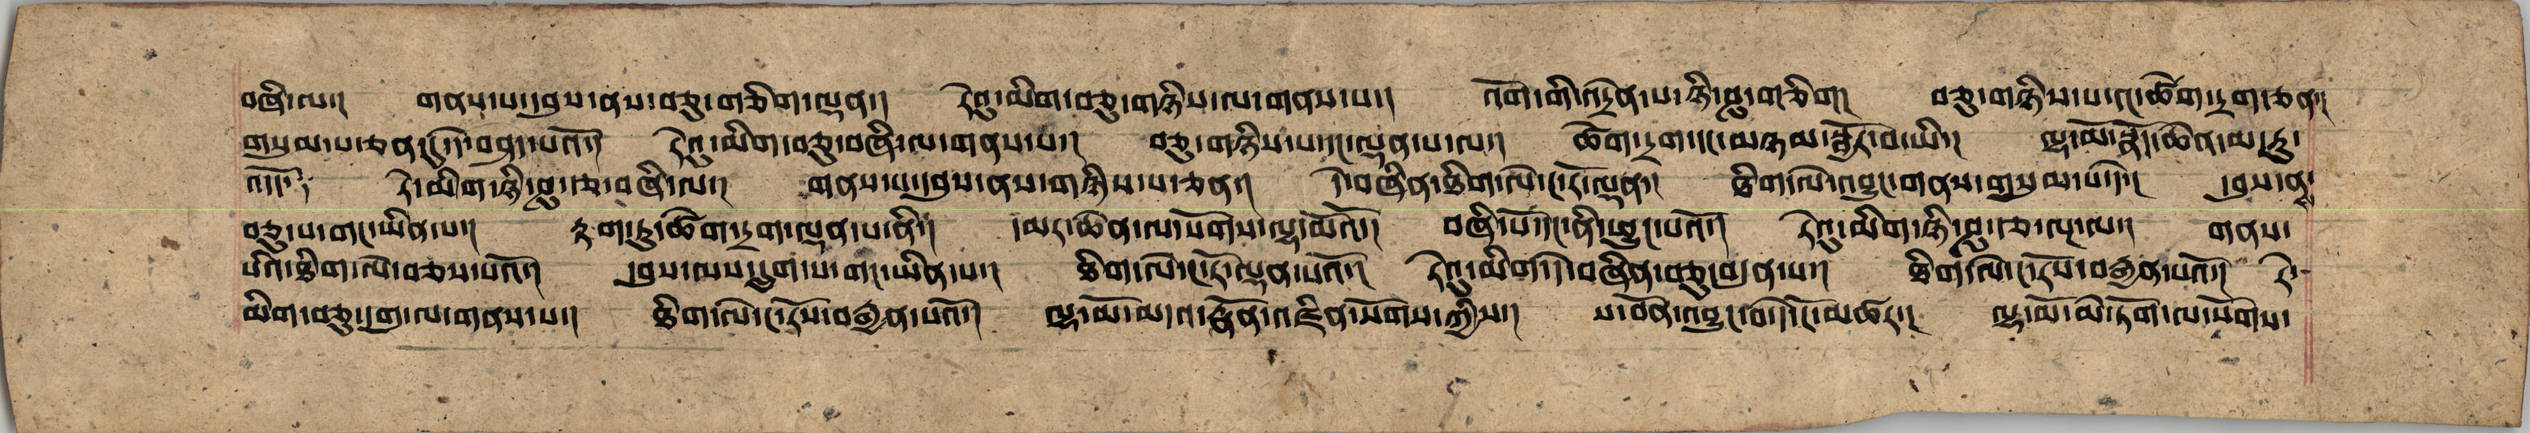བཞི་ལ་། གནས་པ་དབུས་ནས་བཅུ་གཅིག་ལྡན་། རེའུ་མིག་བཅུ་གཉིས་ལ་གནས་པ་། འོག་གི་འདྲེན་པ་ཉི་ཤུ་གཅིག། བཅུ་གཉིས་པ་དང་ཚེག་དྲག་ཅན་།
གསུམ་པ་ཅན་དུ་དེ་བཤད་པའོ་། རེའུ་མིག་བཅུ་བཞི་ལ་གནས་པ་། བཅུ་གཉིས་པ་དང་ལྡན་པ་ལ་། ཚེག་དྲག་དང་མཉམ་སྦྱོར་བ་ཡི་། ལྷ་མོ་སྣོད་ཆེན་མ་རུ་
འདོད༑ རེ་མིག་ཉི་ཤུ་རྩ་བཞི་ལ་། གནས་པ་དབུས་ནས་གཉིས་པ་ཅན་། དེ་བཞིན་ཐིག་ལེ་ང་རོ་ལྡན་། ཐིག་ལེ་འབྱུང་གནས་གསུམ་པ་དེ་། དབུས་ནས་
བཅུ་པ་གང་ཡིན་པ་། རྟག་ཏུ་ཚེག་དྲག་ལྡན་པ་ནི་། དམར་ཆེན་ལ་སོགས་ལྷ་མོའོ་། བཞི་པོ་དང་ནི་ཕྱུང་པའོ་། རེའུ་མིག་ཉི་ཤུ་རྩ་ལྔ་ལ་། གནས་
པའི་ཐིག་ལེ་བཅས་པའོ་། དབུས་ལས་དྲུག་པ་གང་ཡིན་པ་། ཐིག་ལེ་ང་རོ་ལྡན་པའོ་། རེའུ་མིག་དེ་བཞིན་བཅུ་བདུན་པ་། ཐིག་ལེ་ང་རོས་བརྒྱན་པའོ་། རེ་
མིག་བཅུ་ལ་གནས་པ་། ཐིག་ལེ་ང་རོས་བརྒྱན་པའོ་། ལྷ་མོ་མདའ་རྣོན་འཛིན་སོགས་ཀྱིས་། ས་བོན་བྱུང་བ་དེ་ངོ་མཚར་། ལྷ་མོ་མེ་ཏོག་ལ་སོགས་